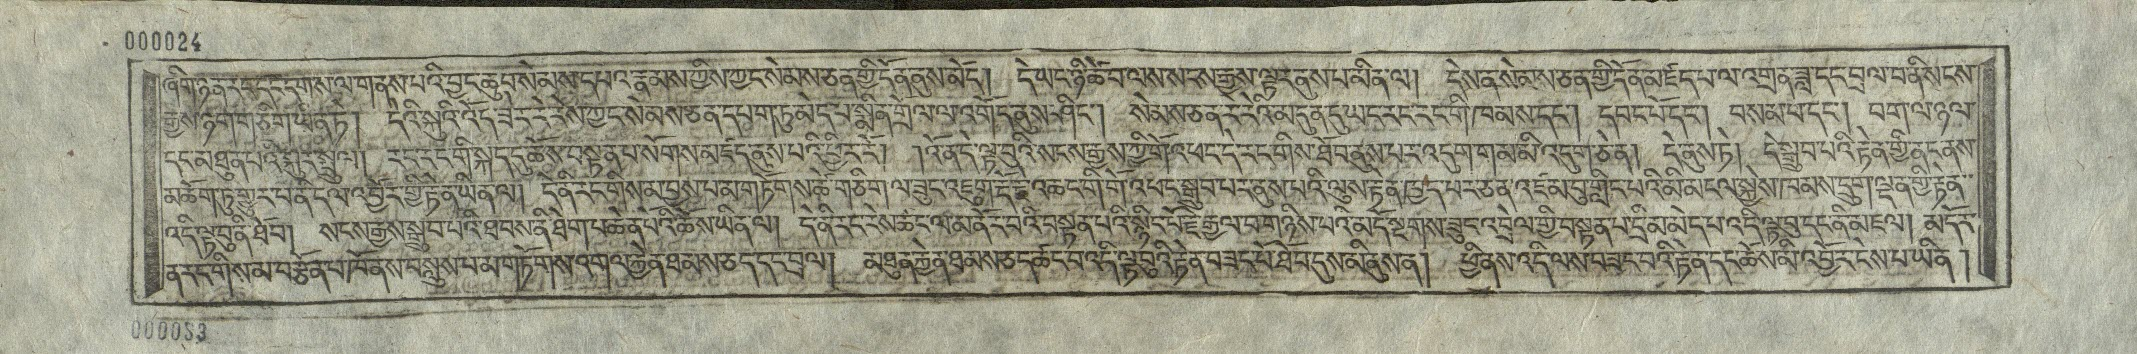ཞིག་ཉན་རང་དང་དག་ས་ལ་གནས་པའི་བྱང་ཆུབ་སེམས་དཔའ་རྣམས་ཀྱིས་ཀྱང་སེམས་ཅན་གྱི་དོན་ནུས་མོད། དེ་ཡང་ཉི་ཚེ་བ་ལས་སངས་རྒྱས་ལྟར་ནུས་པ་མིན་ལ། དེས་ན་སེམས་ཅན་གྱི་དོན་མཛད་པ་ལ་འགྲན་ཟླ་དང་བྲལ་བ་ནི་སངས་
རྒྱས་ཉག་གཅིག་ཡིན་ཏེ། དེའི་སྐུའི་འོད་ཟེར་རེ་རེས་ཀྱང་སེམས་ཅན་དཔག་ཏུ་མེད་པ་སྨིན་གྲོལ་ལ་འགོད་ནུས་ཤིང་། སེམས་ཅན་རེ་རེའི་མདུན་དུ་ཡང་རང་རང་གི་ཁམས་དང་། དབང་པོ་དང་། བསམ་པ་དང་། བག་ལ་ཉལ་
དང་མཐུན་པའི་སྐུར་སྤྲུལ། རང་རང་གི་སྐད་དུ་ཆོས་བསྟན་པ་སོགས་མཛད་ནུས་པའི་ཕྱིར་རོ། །འོ་ན་དེ་ལྟ་བུའི་སངས་རྒྱས་ཀྱི་གོ་འཕང་དེ་རང་གིས་ཐོབ་ནུས་པར་འདུག་གམ་མི་འདུག་ཅེ་ན། དེ་ནུས་ཏེ། དེ་སྒྲུབ་པའི་རྟེན་གྱི་ནང་ནས་
མཆོག་ཏུ་གྱུར་པ་ནི་དལ་འབྱོར་གྱི་རྟེན་ཡིན་ལ། དེ་ནི་རང་གིས་མ་བྱས་པ་མ་གཏོགས་ཚེ་གཅིག་ལ་ཟུང་འཇུག་རྡོ་རྗེ་འཆང་གི་གོ་འཕང་སྒྲུབ་པར་ནུས་པའི་ལུས་རྟེན་ཁྱད་པར་ཅན་འཛམ་བུ་གླིང་པའི་མི་མངལ་སྐྱེས་ཁམས་དྲུག་ལྡན་གྱི་རྟེན་
འདི་ལྟ་བུ་ནི་ཐོབ། སངས་རྒྱས་སྒྲུབ་པའི་ཐབས་ནི་ཐེག་པ་ཆེན་པོའི་ཆོས་ཡིན་ལ། དེ་ནི་རང་རེས་ཚང་ལ་མ་ནོར་བའི་བསྟན་པའི་སྙིང་པོ་རྗེ་རྒྱལ་བ་གཉིས་པའི་མདོ་སྔགས་ཟུང་འབྲེལ་གྱི་བསྟན་པ་དྲི་མ་མེད་པ་འདི་ལྟ་བུ་དང་ནི་མཇལ། མདོར་
ན་རང་གིས་མ་བརྩོན་པ་ཁོ་ནས་བསླུས་པ་མ་གཏོགས་འགལ་རྐྱེན་ཐམས་ཅད་དང་བྲལ། མཐུན་རྐྱེན་ཐམས་ཅད་ཚང་བ་འདི་ལྟ་བུའི་རྟེན་བཟང་པོ་ཐོབ་དུས་མི་ནུས་ན། ཕྱི་ནས་འདི་ལས་བཟང་བའི་རྟེན་དང་ཆོས་མི་འབྱོར་ངེས་པ་ཡིན།